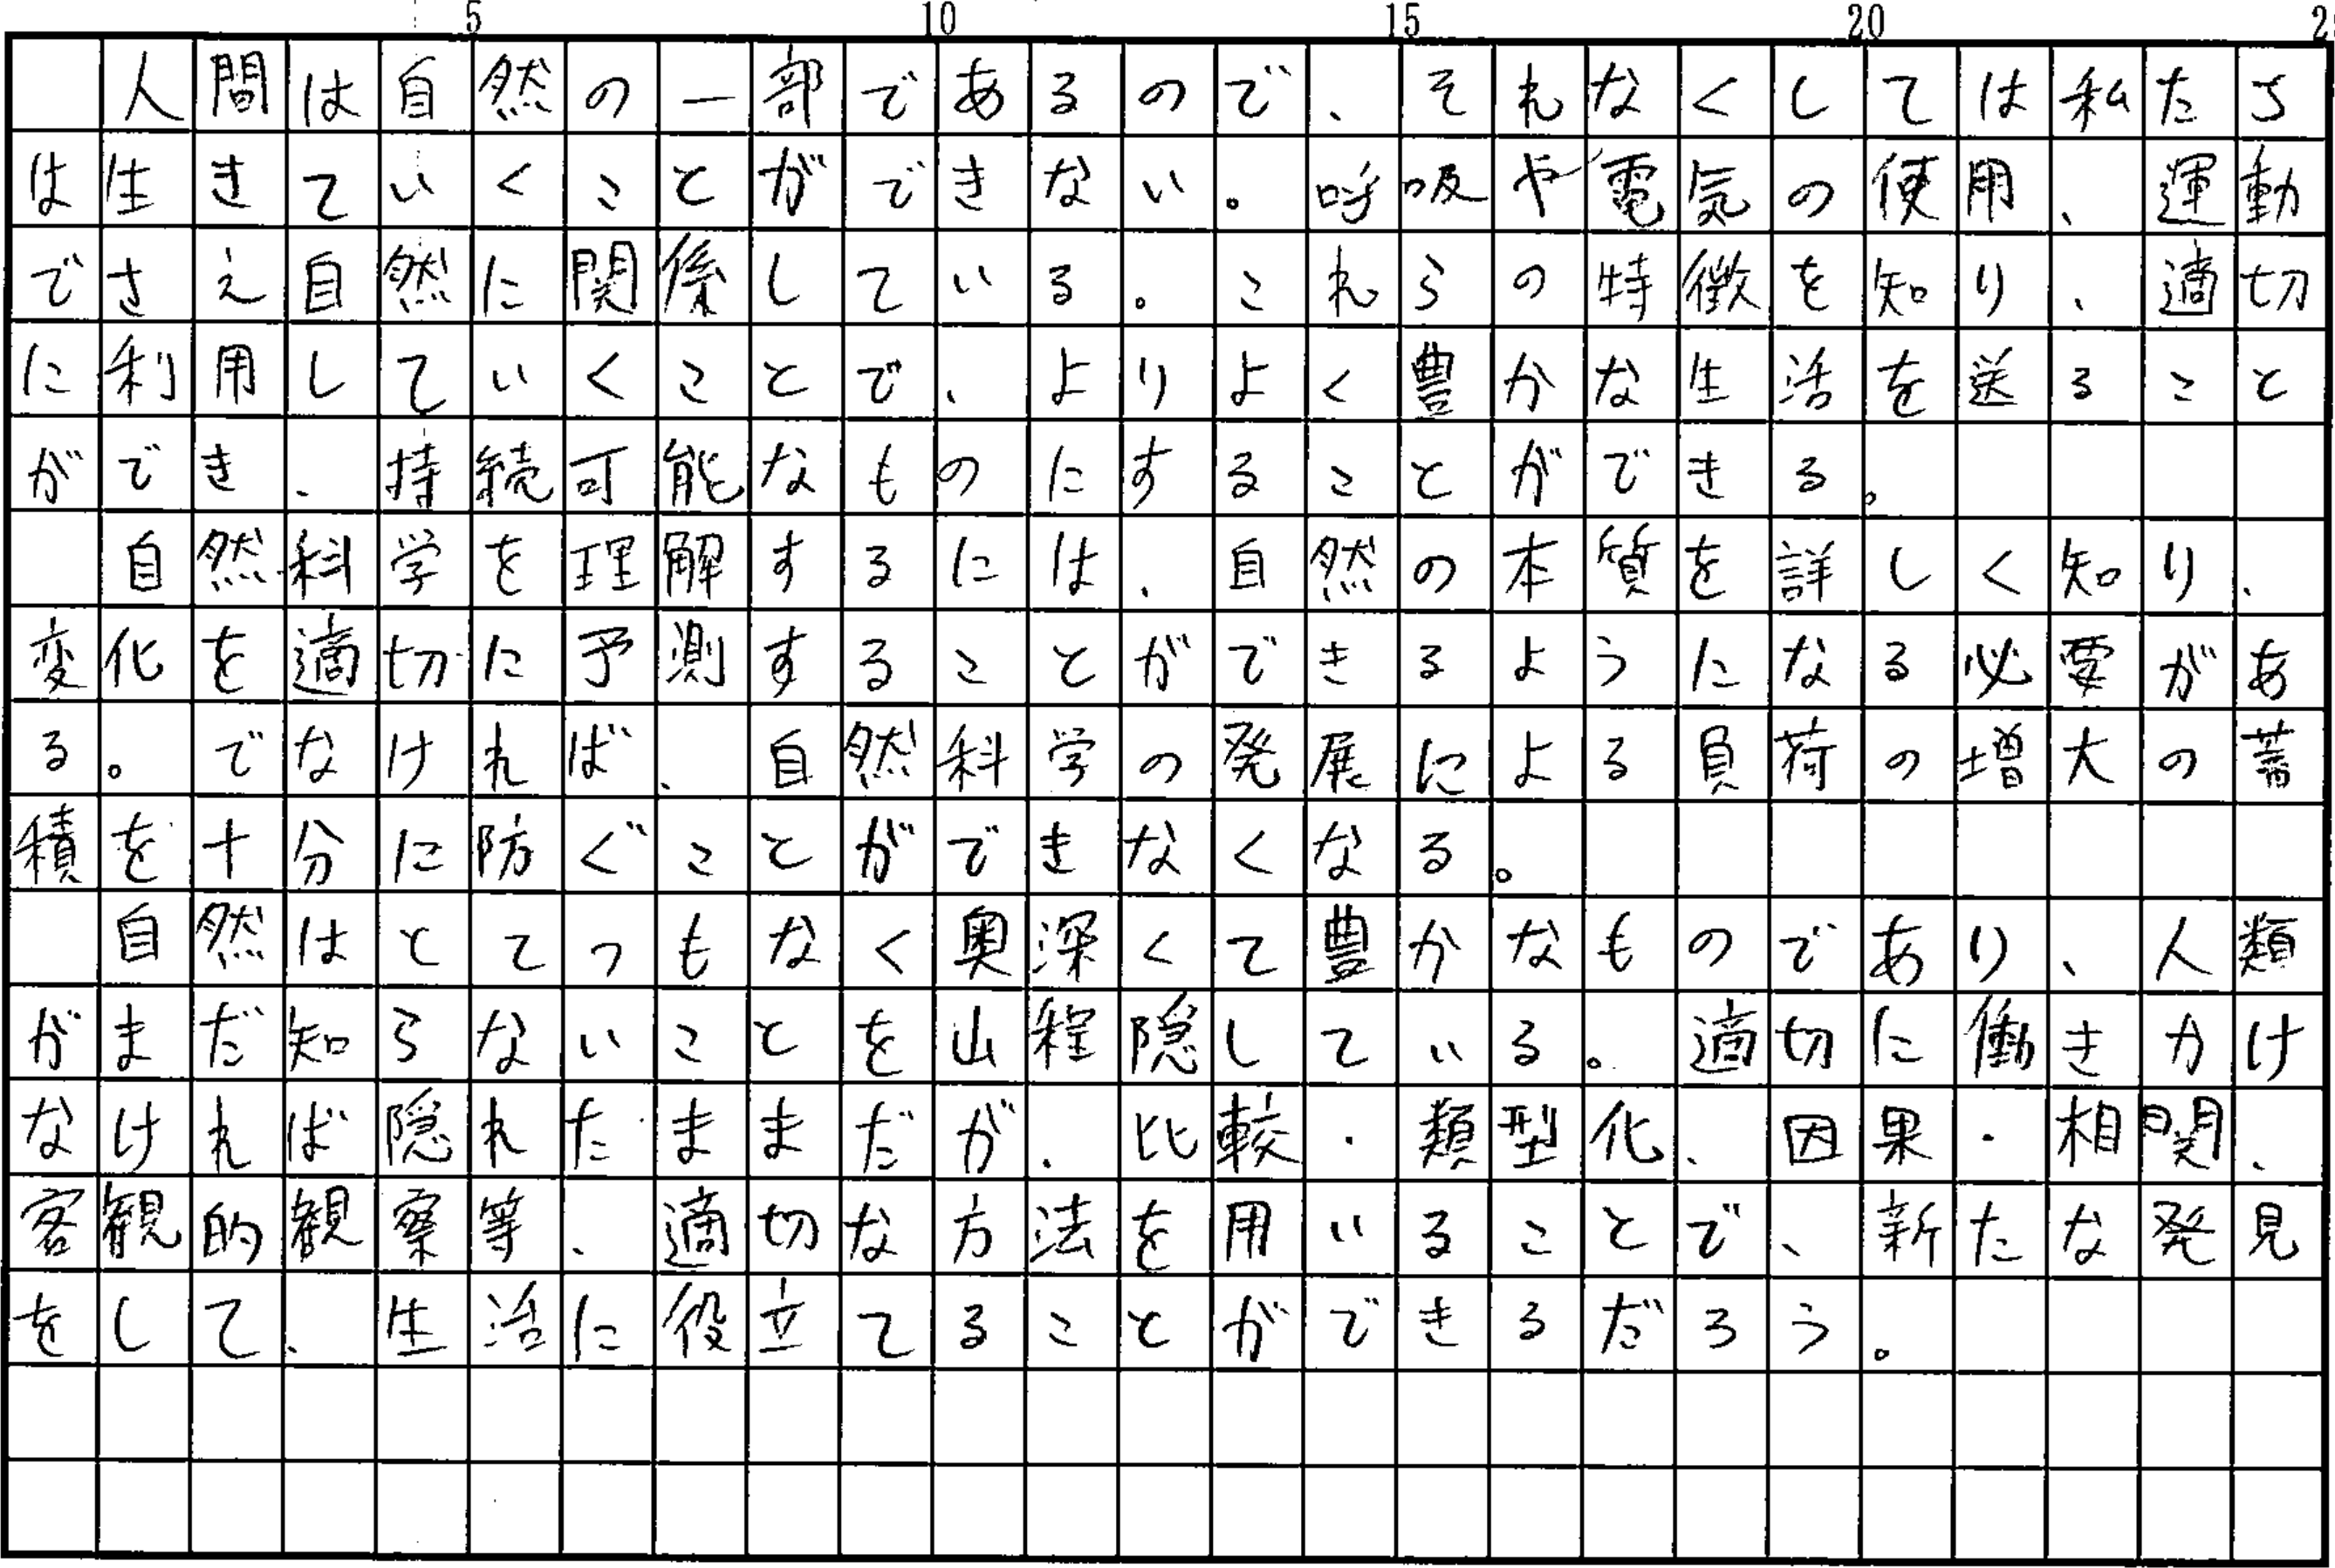　人間は自然の一部であるので、それなくしては私たちは生きていくことができない。呼吸や電気の使用、運動でさえ自然に関係している。これらの特徴を知り、適切に利用していくことで、よりよく豊かな生活を送ることができ、持続可能なものにすることができる。
　自然科学を理解するには、自然の本質を詳しく知り、変化を適切に予測することができるようになる必要がある。でなければ、自然科学の発展による負荷の増大の蓄積を十分に防ぐことができなくなる。
　自然はとてつもなく奥深くて豊かなものであり、人類がまだ知らないことを山程隠している。適切に働きかけなければ隠れたままだが、比較・類型化、因果・相関、客観的観察等、適切な方法を用いることで、新たな発見をして、生活に役立てることができるだろう。
